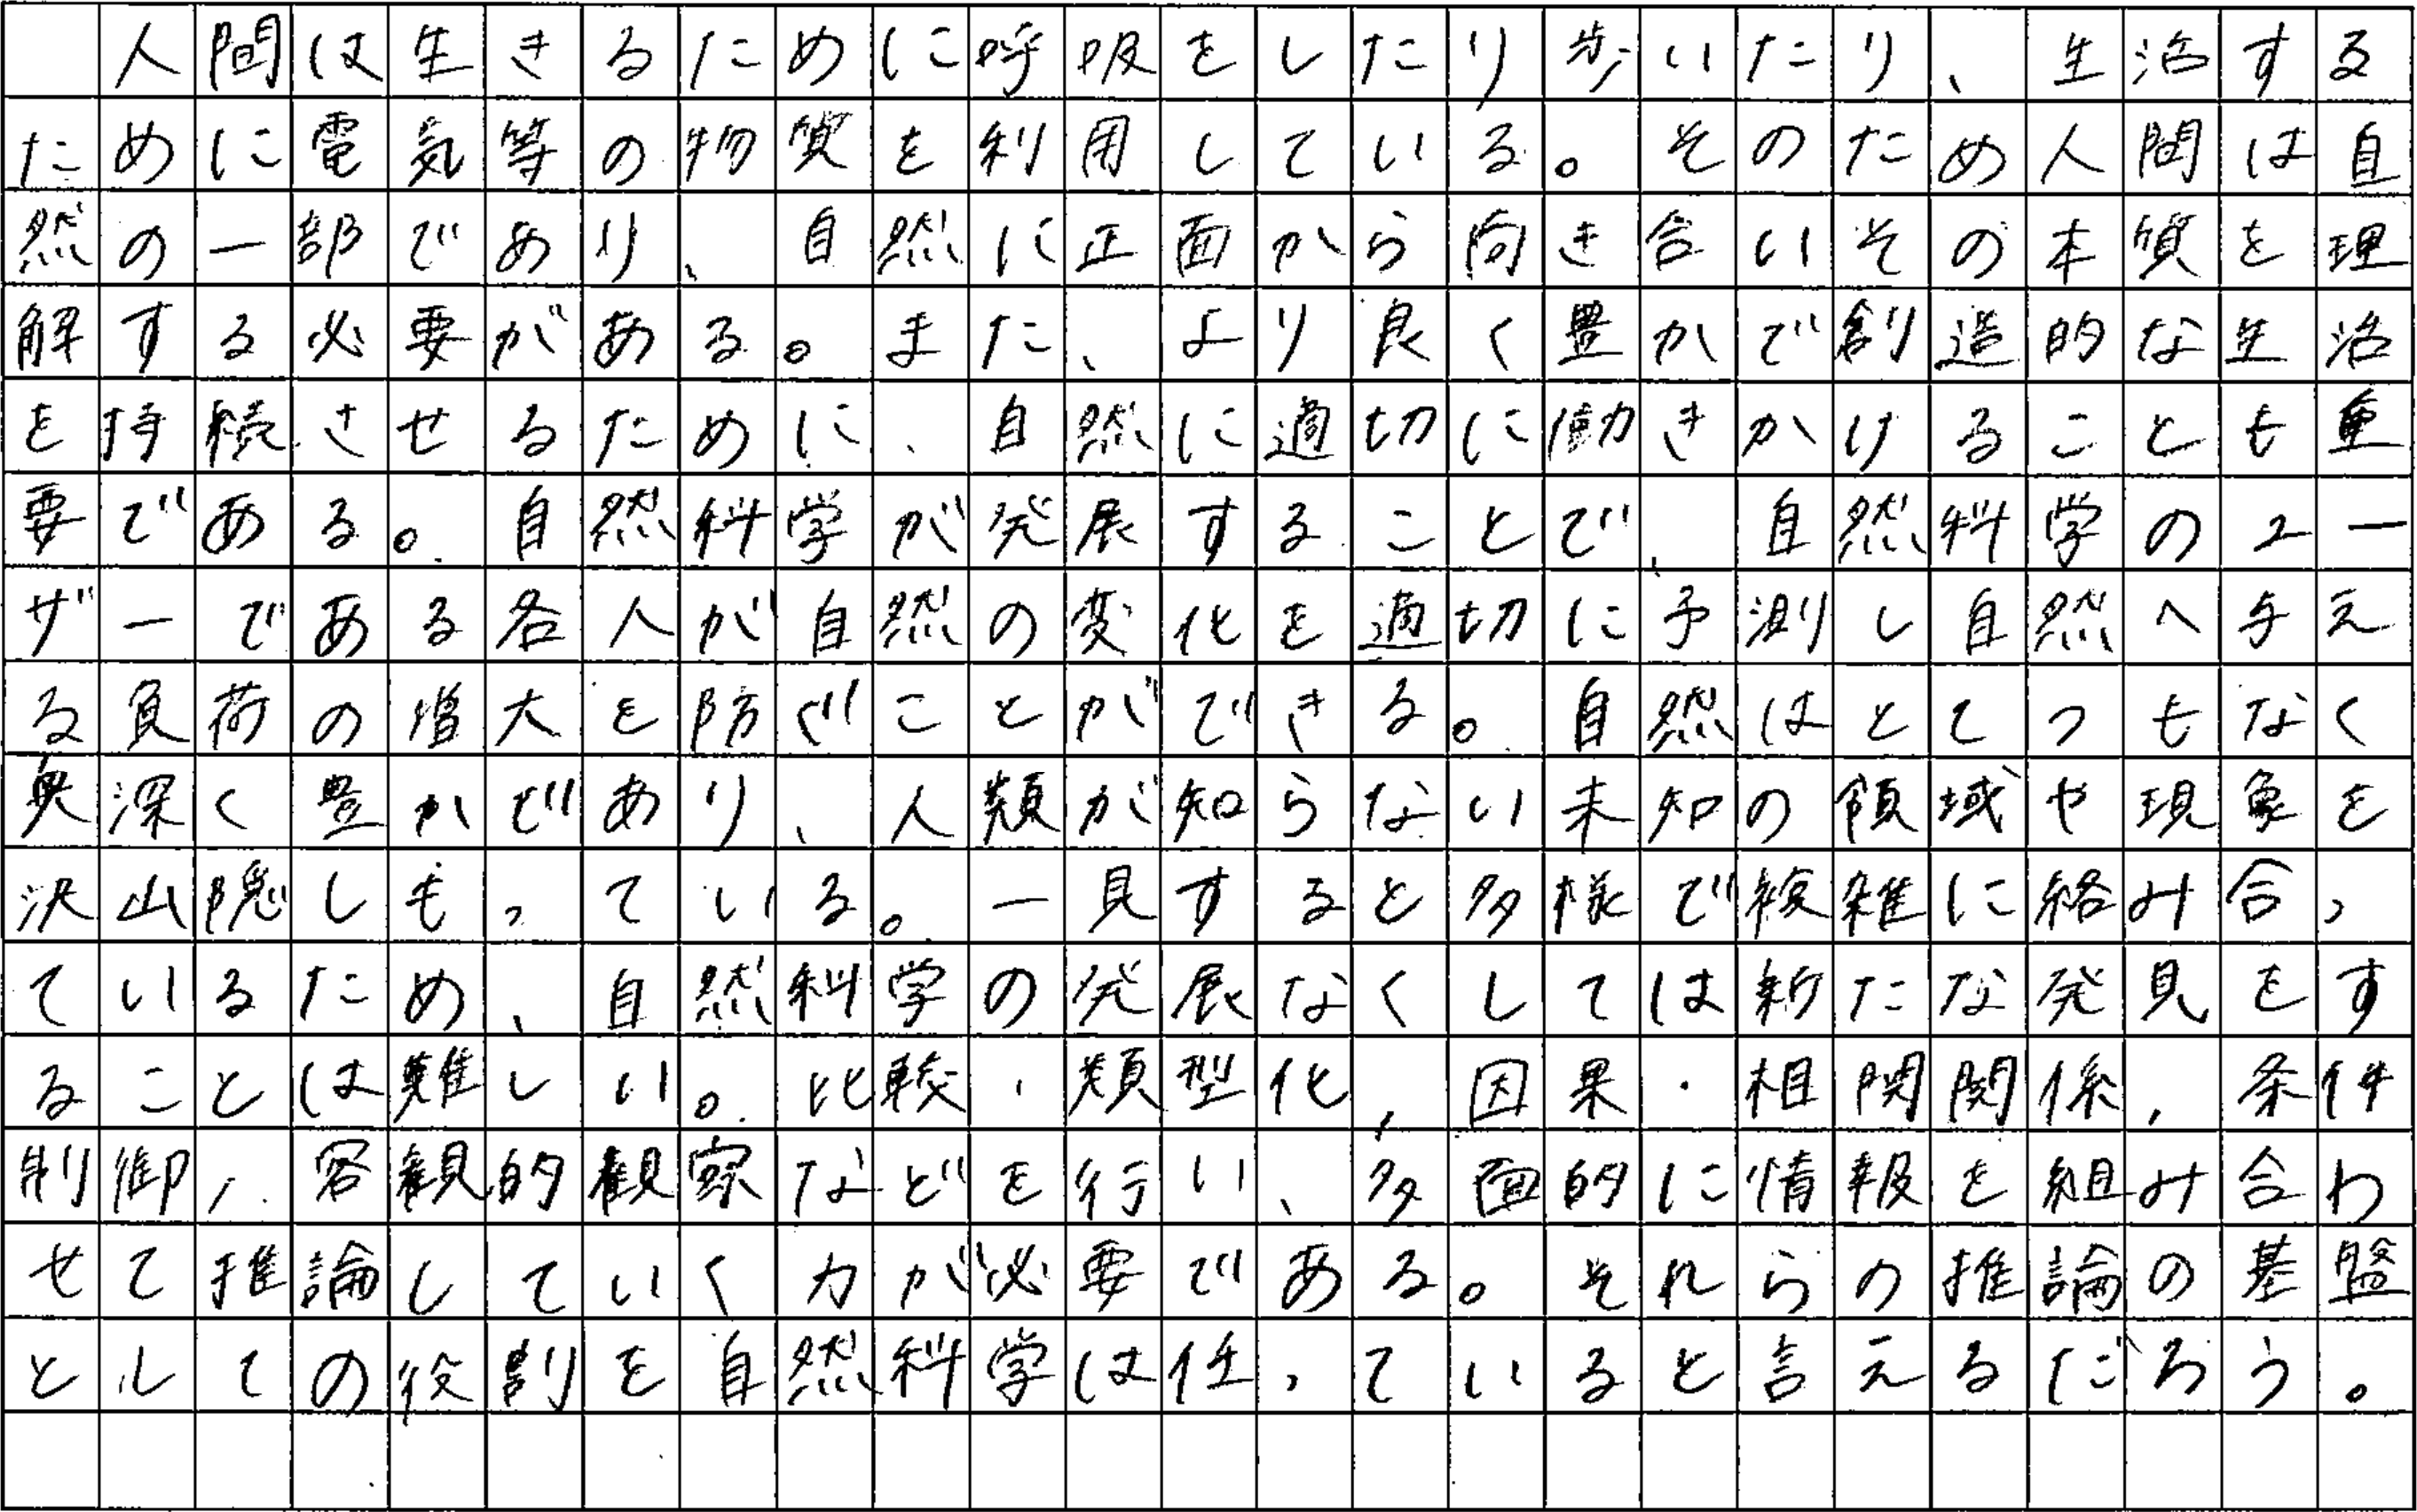　人間には生きるために呼吸をしたり歩いたり、生活するために電気等の物質を利用している。そのため人間は自然の一部であり、自然に正面から向き合いその本質を理解する必要がある。また、より良く豊かで創造的な生活を持続させるために、自然に適切に働きかけることも重要である。自然科学が発展することで、自然科学のユーザーである各人が自然の変化を適切に予測し自然へ与える負荷の増大を防ぐことができる。自然はとてつもなく奥深く豊かであり、人類が知らない未知の領域や現象を沢山隠しもっている。一見すると多様で複雑に絡み合っているため、自然科学の発展なくしては新たな発見をすることは難しい。比較・類型化、因果・相関関係、条件制御、客観的観察などを行い、多面的に情報を組み合わせて推論していく力が必要である。それらの推論の基盤としての役割を自然科学は担っていると言えるだろう。
